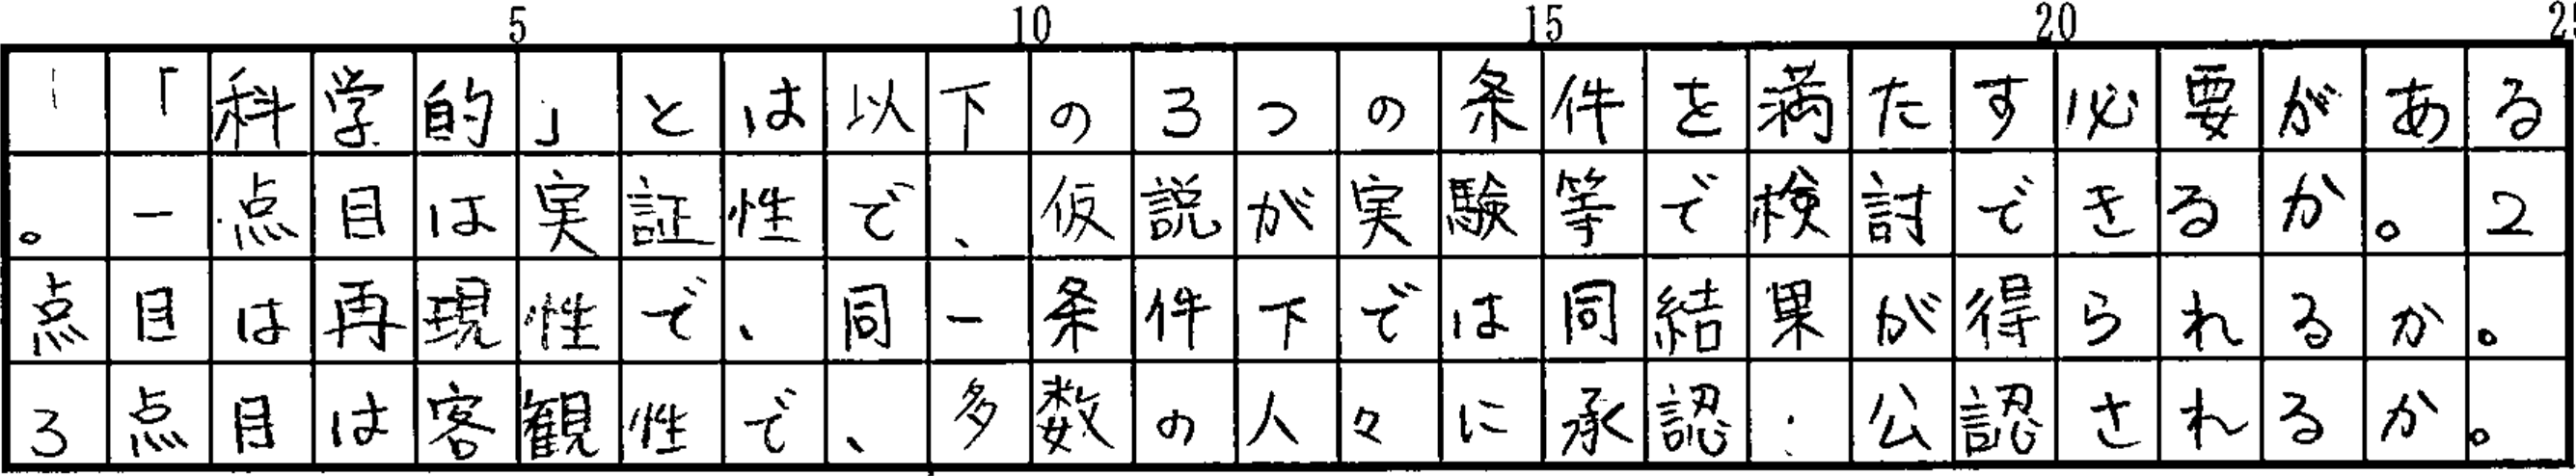　「科学的」とは以下の３つの条件を満たす必要がある。一点目は実証性で、仮説が実験等で検討できるか。２点目は再現性で、同一条件下では同結果が得られるか。３点目は客観性で、多数の人々に承認・公認されるか。
